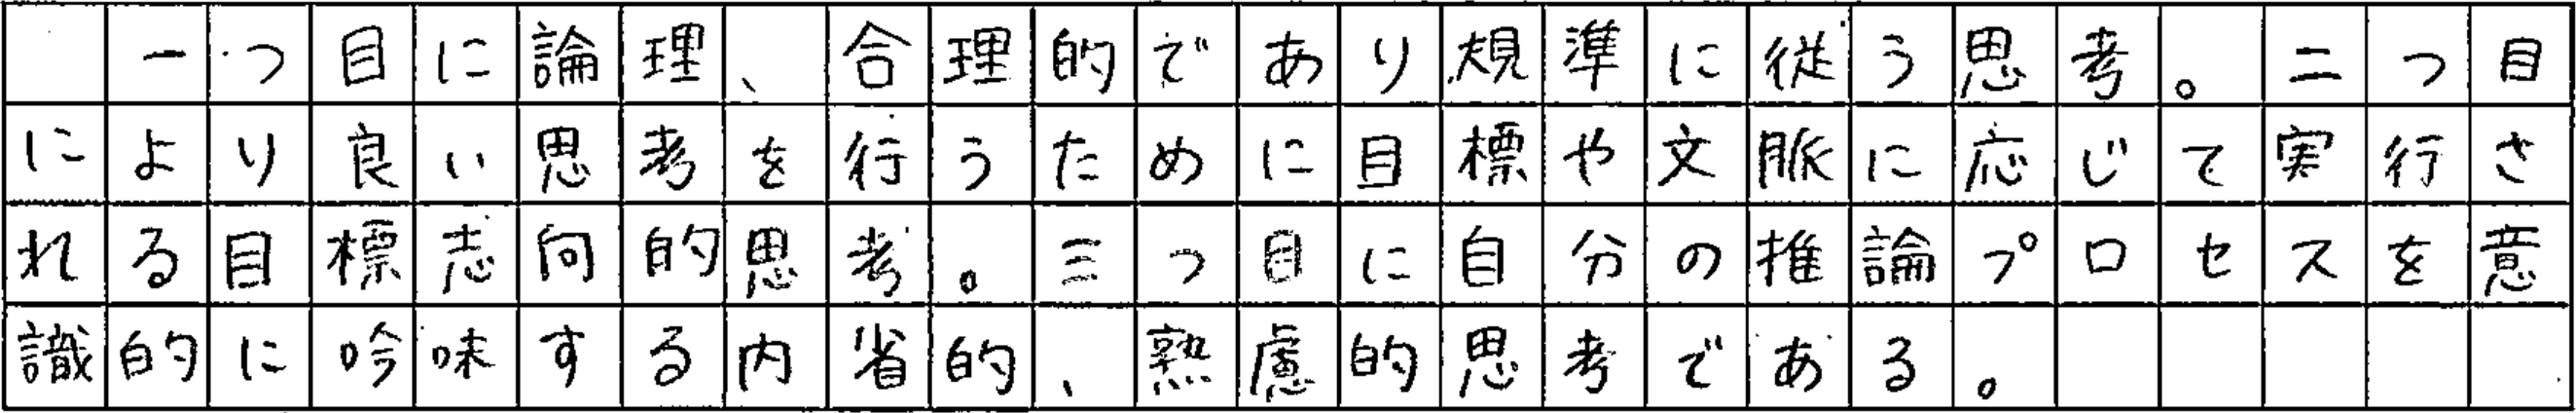　一つ目に論理、合理的であり規準に従う思考。二つ目により良い思考を行うために目標や文脈に応じて実行される目標志向的思考。三つ目に自分の推論プロセスを意識的に吟味する内省的、熟慮的思考である。
